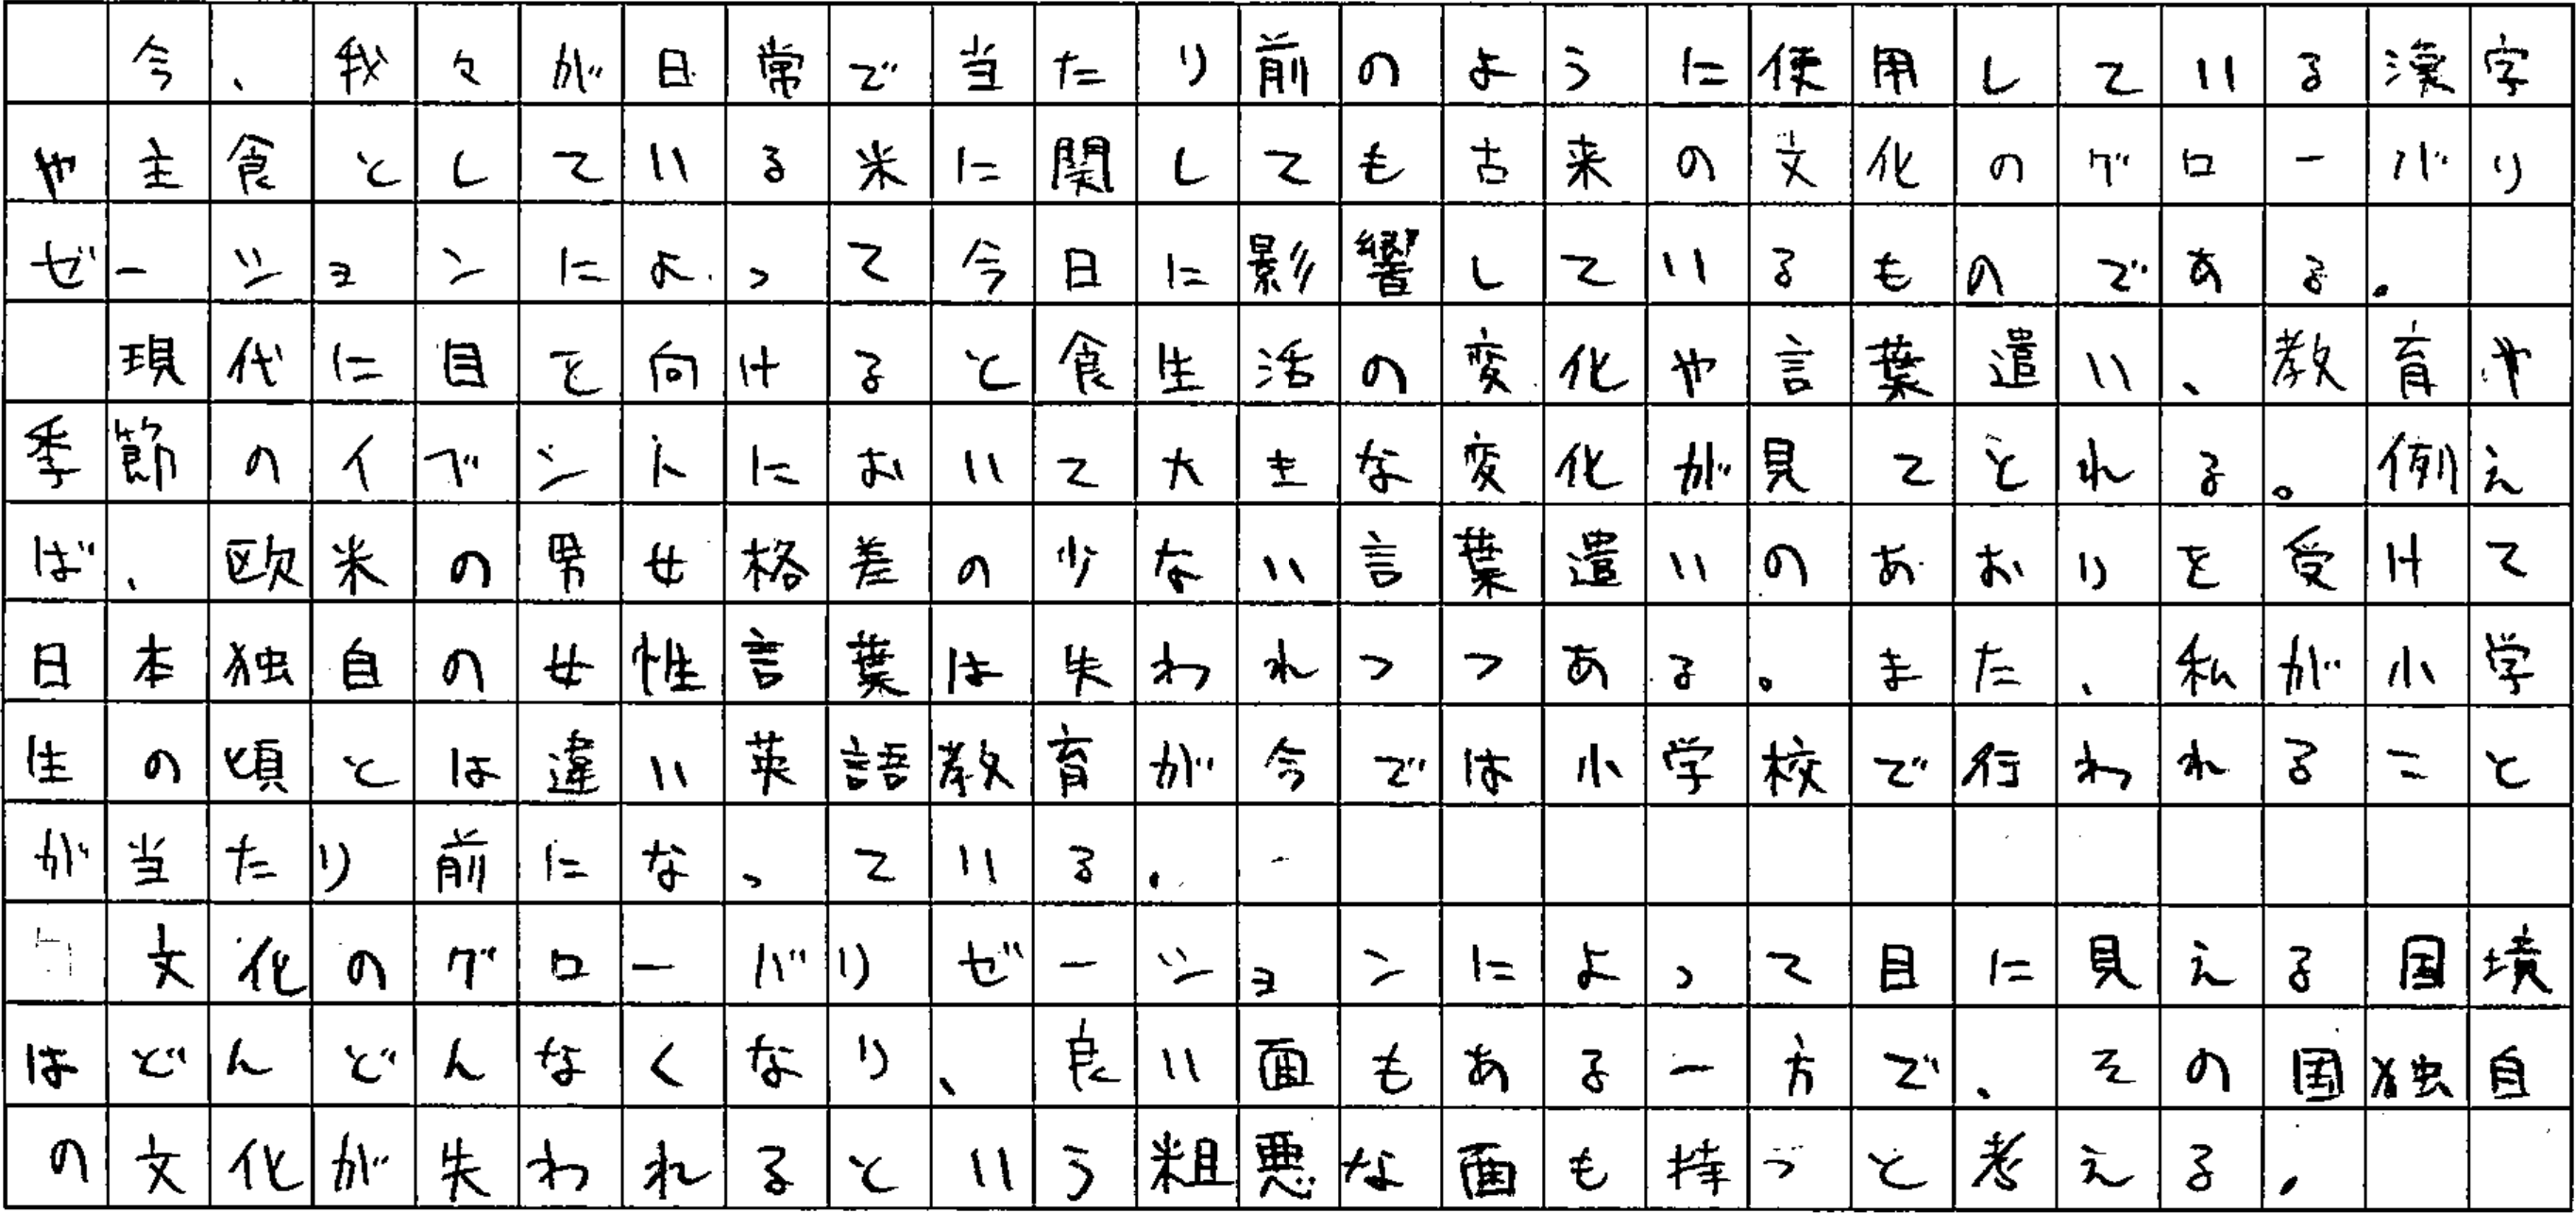　今、我々が日常で当たり前のように使用している漢字や主食としている米に関しても古来の文化のグローバリゼーションによって今日に影響しているものである。
　現代に目を向けると食生活の変化や言葉遣い、教育や季節のイベントにおいて大きな変化が見てとれる。例えば、欧米の男女格差の少ない言葉遣いのあおりを受けて日本独自の女性言葉は失われつつある。また、私が小学生の頃とは違い英語教育が今では小学校で行われることが当たり前になっている。
　文化のグローバリゼーションによって目に見える国境はどんどんなくなり、良い面もある一方で、その国独自の文化が失われるという粗悪な面も持つと考える。
